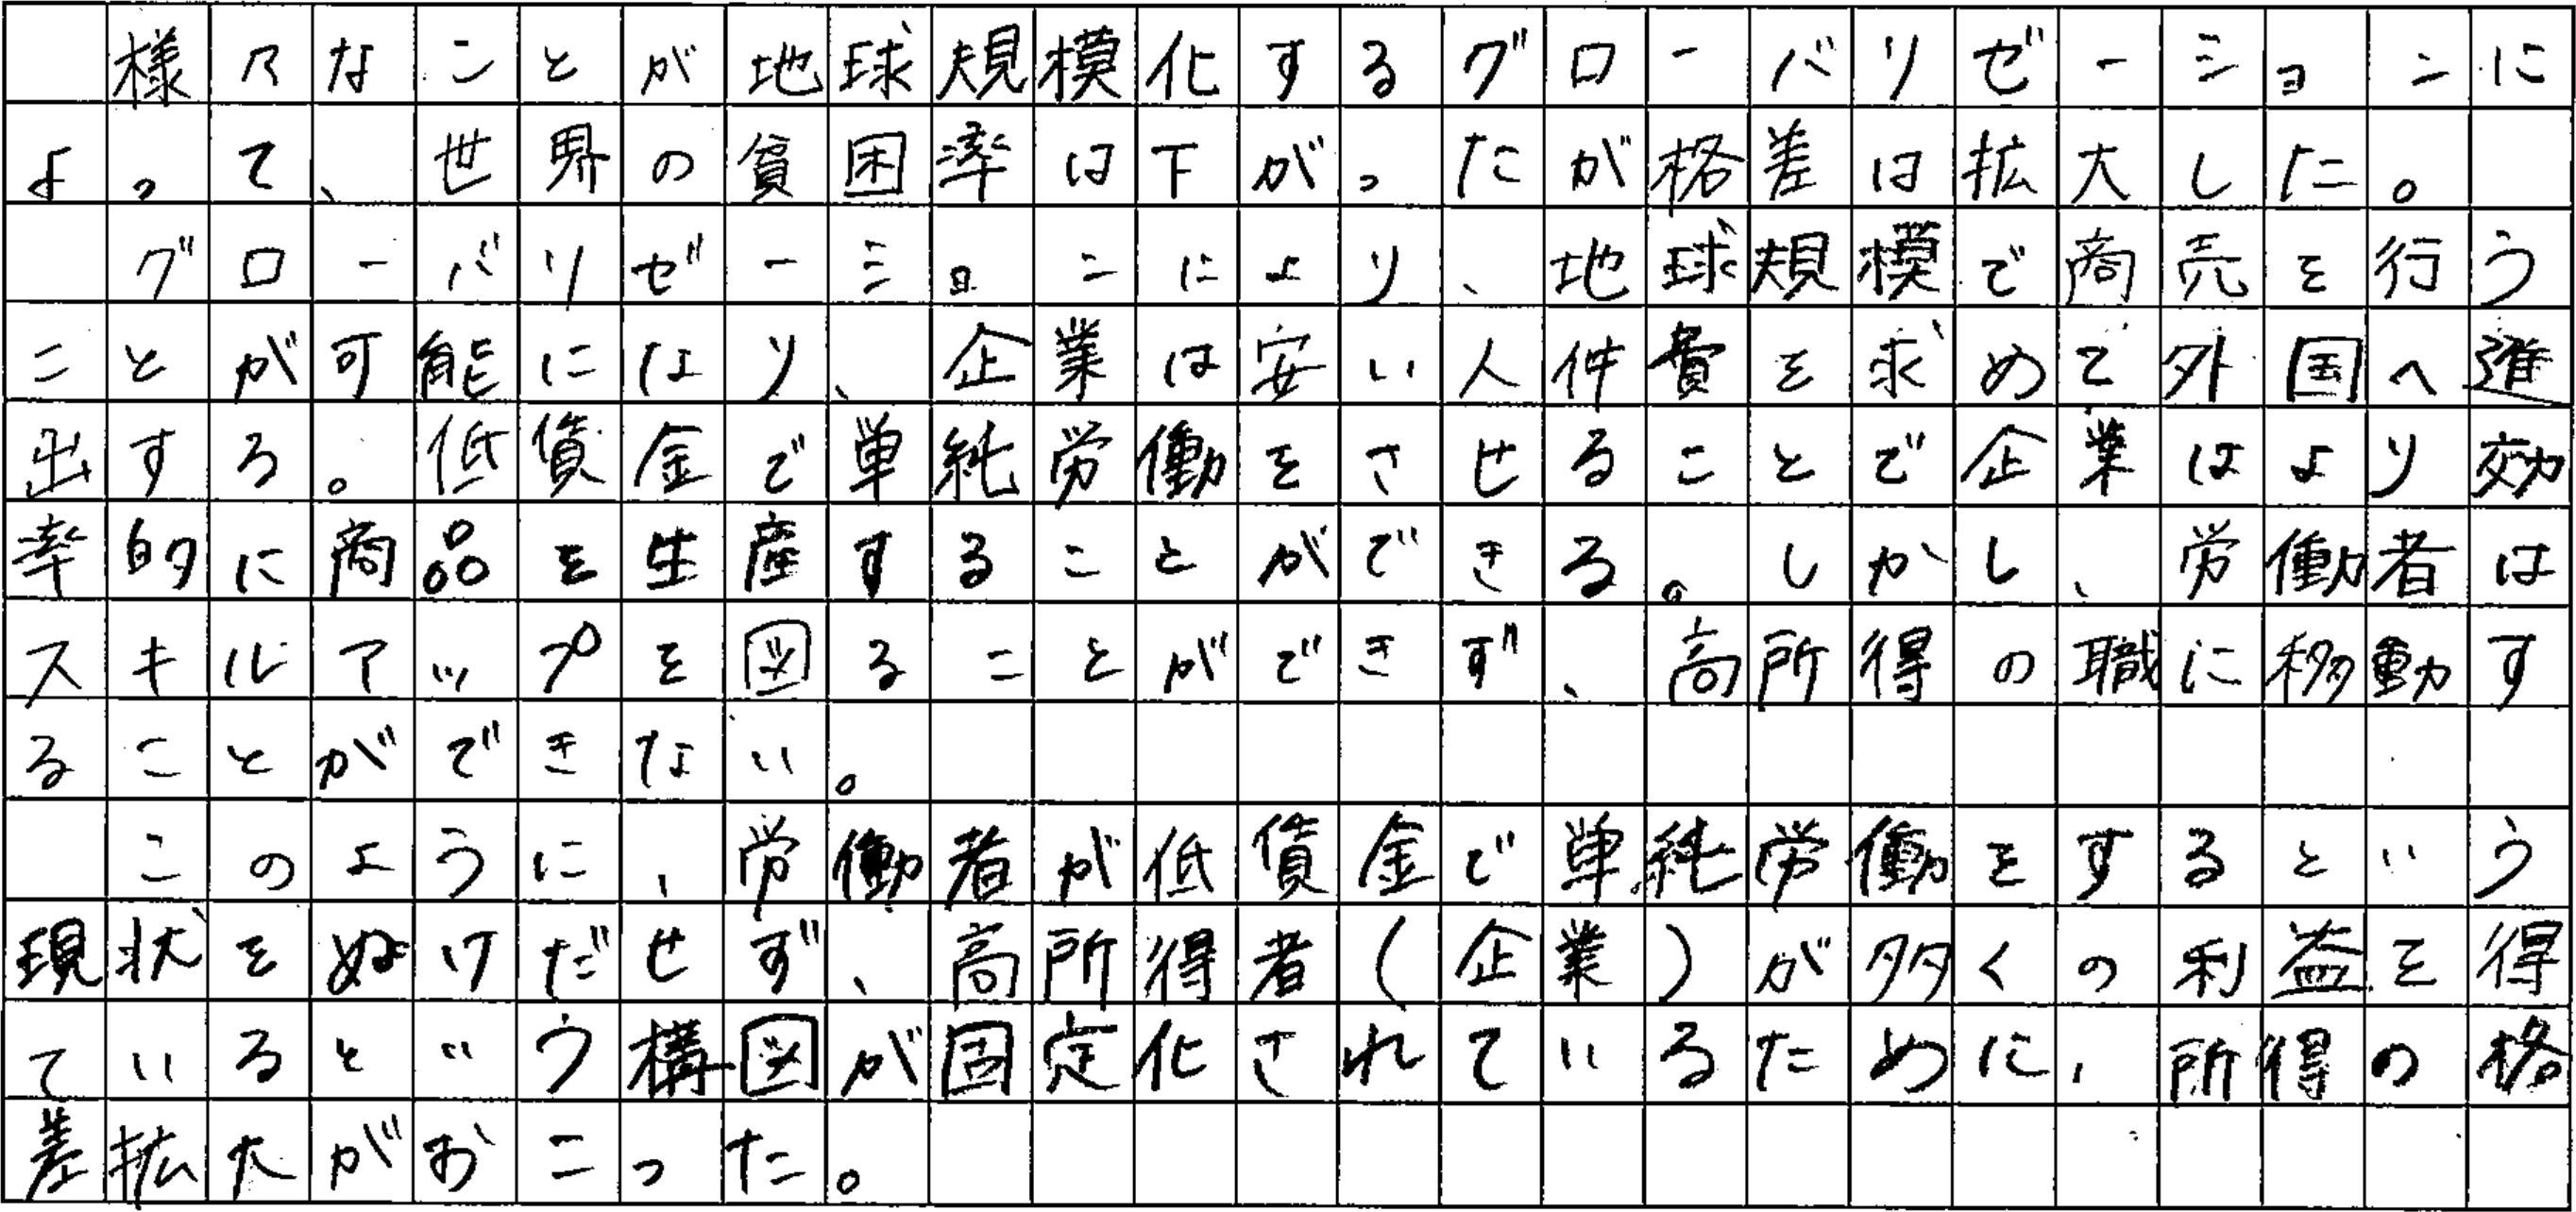　様々なことが地球規模化するグローバリゼーションによって、世界の貧困率は下がったが格差は拡大した。
　グローバリゼーションにより、地球規模で商売を行うことが可能になり、企業は安い人件費を求めて外国へ進出する。低賃金で単純労働をさせることで企業はより効率的に商品を生産することができる。しかし、労働者はスキルアップを図ることができず、高所得の職に移動することができない。
　このように、労働者が低賃金で単純労働をするという現状をぬけだせず、高所得者（企業）が多くの利益を得ているという構図が固定化されているために、所得の格差拡大がおこった。
